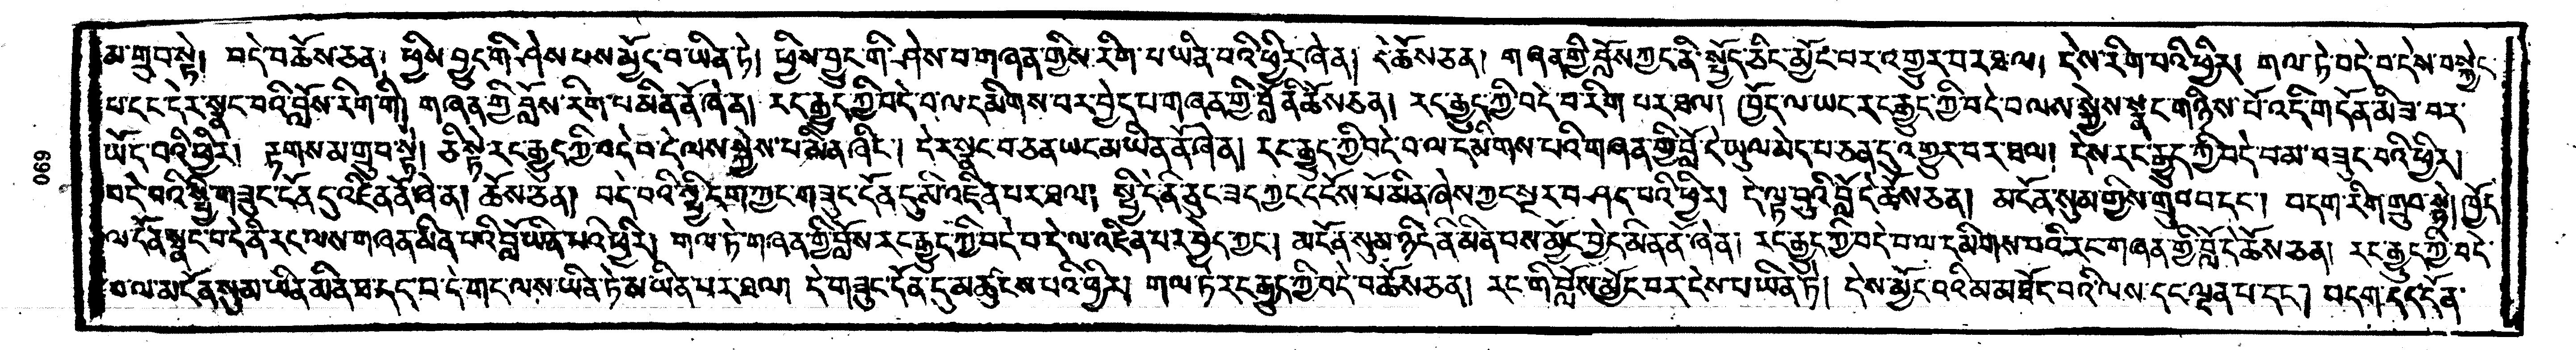མ་གྲུབ་སྟེ། བདེ་བ་ཆོས་ཅན། ཕྱིས་བྱུང་གི་ཤེས་པས་མྱོང་བ་ཡིན་ཏེ། ཕྱིས་བྱུང་གི་ཤེས་པ་གཞན་གྱིས་རིག་པ་ཡིན་པའི་ཕྱིར་ཞེ་ན། དེ་ཆོས་ཅན། གཞན་གྱི་བློས་ཀྱང་ནི་སྤྱོད་ཅིང་མྱོང་བར་འགྱུར་བར་ཐལ། དེས་རིག་པའི་ཕྱིར། གལ་ཏེ་བདེ་བ་དེས་བསྐྱེད་
པ་དང་དེར་སྣང་བའི་བློས་རིག་གི། གཞན་གྱི་བློས་རིག་པ་མིན་ནོ་ཞེ་ན། རང་རྒྱུད་ཀྱི་བདེ་བ་ལ་དམིགས་པར་བྱེད་པ་གཞན་གྱི་བློ་ནི་ཆོས་ཅན། རང་རྒྱུད་ཀྱི་བདེ་བ་རིག་པར་ཐལ། ཁྱོད་ལ་ཡང་རང་རྒྱུད་ཀྱི་བདེ་བ་ལས་སྐྱེས་སྣང་གཉིས་པོ་འདི་གདོན་མི་ཟ་བར་
ཡོད་པའི་ཕྱིར། རྟགས་མ་གྲུབ་སྟེ། ཅི་སྟེ་རང་རྒྱུད་ཀྱི་བདེ་བ་དེ་ལས་སྐྱེས་པ་མིན་ཞིང་། དེར་སྣང་བ་ཅན་ཡང་མ་ཡིན་ནོ་ཞེ་ན། རང་རྒྱུད་ཀྱི་བདེ་བ་ལ་དམིགས་པའི་གཞན་གྱི་བློ་དེ་ཡུལ་མེད་པ་ཅན་དུ་འགྱུར་བར་ཐལ། དེས་རང་རྒྱུད་ཀྱི་བདེ་བ་མ་བཟུང་བའི་ཕྱིར།
བདེ་བའི་སྤྱི་གཟུང་དོན་དུ་འཛིན་ནོ་ཞེ་ན། ཆོས་ཅན། བདེ་བའི་སྤྱི་དག་ཀྱང་གཟུང་དོན་དུ་མི་འཛིན་པར་ཐལ། སྤྱི་དེ་ནི་ཅུང་ཟད་ཀྱང་དངོས་པོ་མིན་ཞེས་ཀྱང་སྔར་བཤད་པའི་ཕྱིར། དེ་ལྟ་བུའི་བློ་དེ་ཆོས་ཅན། མངོན་སུམ་གྱིས་གྲུབ་པ་དང་། བདག་རིག་གྲུབ་སྟེ། ཁྱོད་
ལ་དོན་སྣང་བ་དེ་ནི་རང་ལས་གཞན་མིན་པའི་བློ་ཡིན་པའི་ཕྱིར། གལ་ཏེ་གཞན་གྱི་བློས་རང་རྒྱུད་ཀྱི་བདེ་བ་དེ་ལ་འཛིན་པར་བྱེད་ཀྱང་། མངོན་སུམ་ཉིད་ནི་མིན་པས་མྱོང་བྱེད་མིན་ནོ་ཞེ་ན། རང་རྒྱུད་ཀྱི་བདེ་བ་ལ་དམིགས་བའི་རང་གཞན་གྱི་བློ་དེ་ཆོས་ཅན། རང་རྒྱུད་ཀྱི་བདེ་
བ་ལ་མངོན་སུམ་ཡིན་མིན་ཐ་དད་བ་དེ་གང་ལས་ཡིན་ཏེ་མ་ཡིན་པར་ཐལ། དེ་གཟུང་དོན་དུ་མཚུངས་པའི་ཕྱིར། གལ་ཏེ་རང་རྒྱུད་ཀྱི་བདེ་བ་ཆོས་ཅན། རང་གི་བློས་མྱོང་བར་ངེས་པ་ཡིན་ཏེ། དེས་མྱོང་བའི་མ་མཐོང་བའི་ལས་དང་ལྡན་པ་དང་། བདག་དང་དོན་